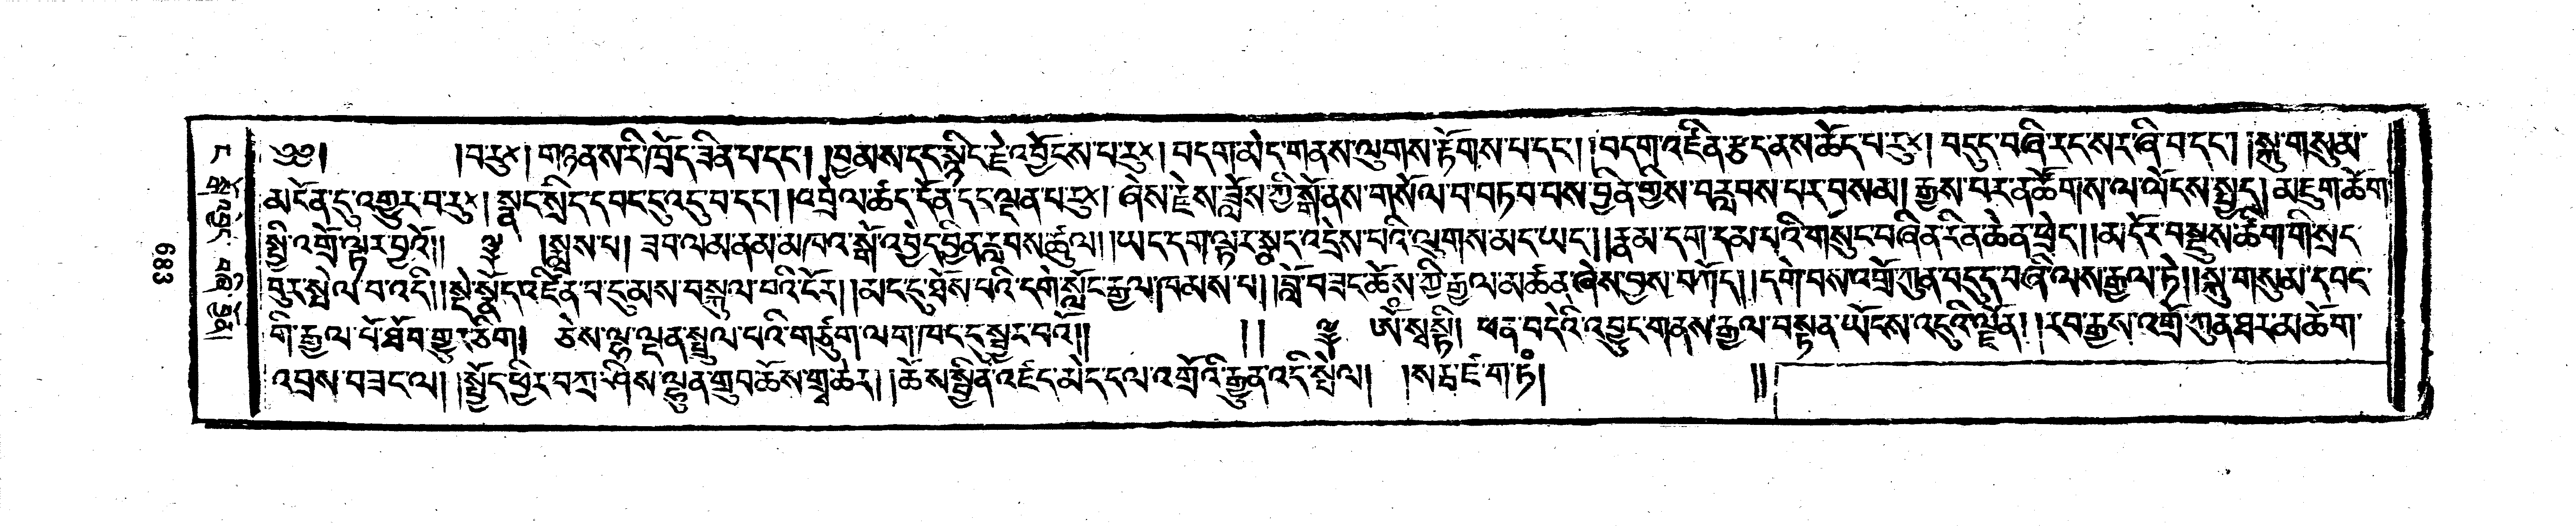༄༅། །བ་རུ་྾། གཉན་ས་རི་ཁྲོད་ཟིན་པ་དང་། །བྱམས་དང་སྙིང་རྗེ་འབྱོངས་པ་རུ་྾། བདག་མེད་གནས་ལུགས་རྟོགས་པ་དང་། །བདག་འཛིན་རྩད་ནས་ཆོད་པ་རུ་྾། བདུད་བཞི་རང་སར་ཞི་བ་དང་། །སྐུ་གསུམ་
མངོན་དུ་འགྱུར་བ་རུ་྾། སྣང་སྲིད་དབང་དུ་འདུ་བ་དང་། །འབྲེལ་ཚད་དོན་དང་ལྡན་པ་རུ་྾། ཞེས་རྗེས་ཟློས་ཀྱི་སྒོ་ནས་གསོལ་བ་བཏབ་པས་བྱིན་གྱིས་བརླབས་པར་བསམ། རྒྱས་པར་ན་ཚོགས་ལ་ལོངས་སྤྱད། མཇུག་ཆོག་
སྤྱི་འགྲོ་ལྟར་བྱའོ།། ༈ །སྨྲས་པ། ཟབ་ལམ་ནམ་མཁའ་སྒོ་འབྱེད་བྱིན་རླབས་ཚུལ། །ཡང་དག་ལྟར་སྣང་འདྲེས་པའི་ལུགས་མང་ཡང་། །རྣམ་དག་དམ་པའི་གསུང་བཞིན་རིན་ཆེན་ཕྲེང་། །མདོར་བསྡུས་ཚིག་གི་སྲད་
བུར་སྤེལ་བ་འདི། །སྡེ་སྣོད་འཛིན་པ་དུ་མས་བསྐུལ་བའི་ངོར། །མང་དུ་ཐོས་པའི་དགེ་སློང་རྒྱལ་ཁམས་པ། །བློ་བཟང་ཆོས་ཀྱི་རྒྱལ་མཚན་ཞེས་བྱས་བཀོད། །དགེ་བས་འགྲོ་ཀུན་བདུད་བཞི་ལས་རྒྱལ་ཏེ། །སྐུ་གསུམ་དབང་
གི་རྒྱལ་པོ་ཐོབ་གྱུར་ཅིག །ཅེས་ལྷ་ལྡན་སྤྲུལ་པའི་གཙུག་ལག་ཁང་དུ་སྦྱར་བའོ།། །། ༈ ཨོཾ་སྭསྟི། ཕན་བདེའི་འབྱུང་གནས་རྒྱལ་བསྟན་ཡོངས་འདུའི་ལྗོན། །རབ་རྒྱས་འགྲོ་ཀུན་ཐར་མཆོག་
འབྲས་བཟང་ལ། །སྤྱོད་ཕྱིར་བཀྲ་ཤིས་ལྷུན་གྲུབ་ཆོས་གྲྭ་ཆེར། །ཆོས་སྦྱིན་འཛད་མེད་དལ་འགྲོའི་རྒྱུན་འདི་སྤེལ། །སརྦ་ཛ་ག་ཏཾ། །།